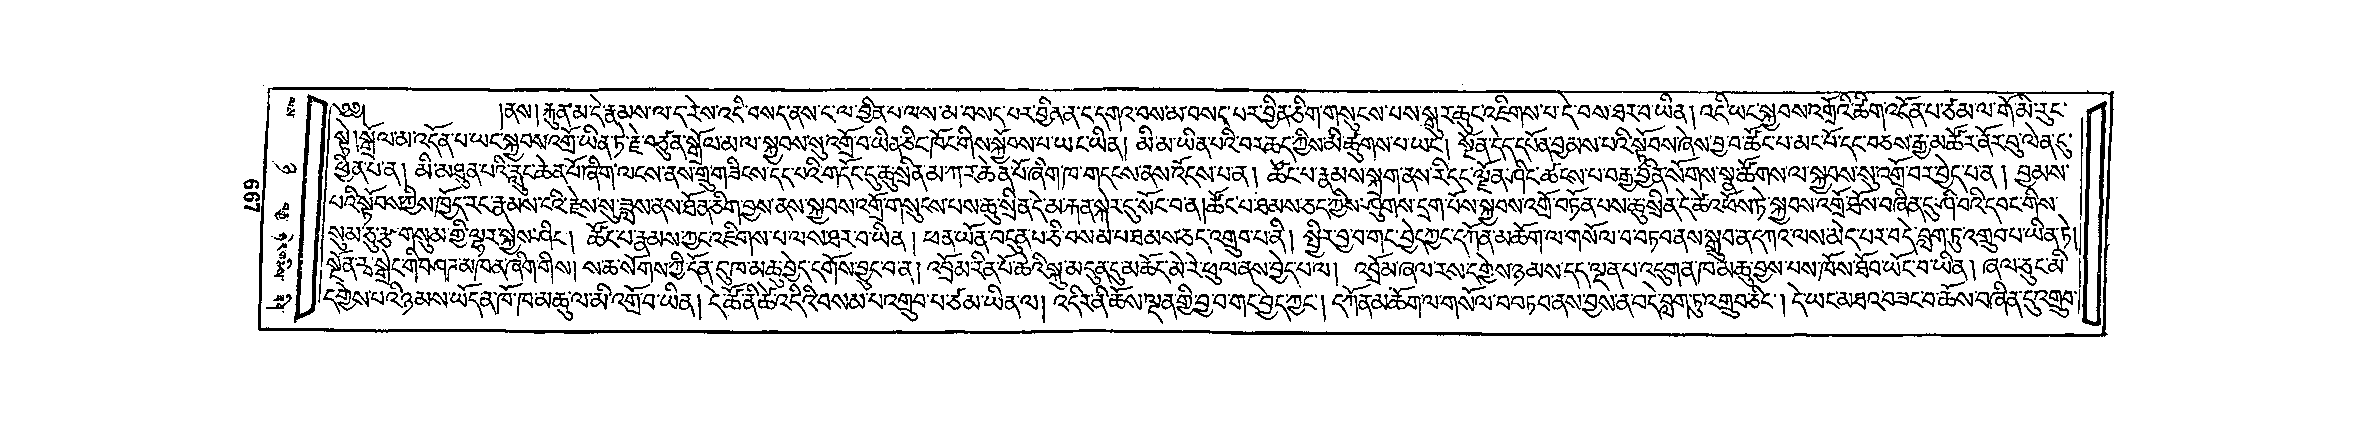༄༅། །ནས། རྐུན་མ་དེ་རྣམས་ལ་ད་རེས་འདི་བསད་ནས་ང་ལ་བྱིན་པ་ལས་མ་བསད་པར་བྱིན་ན་ང་དགའ་བས་མ་བསད་པར་བྱིན་ཅིག་གསུངས་པས་སྒུར་ཆུང་འཇིགས་པ་དེ་བས་ཐར་བ་ཡིན། འདི་ཡང་སྐྱབས་འགྲོའི་ཚིག་འདོན་པ་ཙམ་ལ་གོ་མི་རུང་
སྟེ། སྒྲོལ་མ་འདོན་པ་ཡང་སྐྱབས་འགྲོ་ཡིན་ཏེ་རྗེ་བཙུན་སྒྲོལ་མ་ལ་སྐྱབས་སུ་འགྲོ་བ་ཡིན་ཅིང་ཁོང་གིས་སྐྱོབས་པ་ཡང་ཡིན། མི་མ་ཡིན་པའི་བར་ཆད་ཀྱིས་མི་ཚུགས་པ་ཡང་། སྔོན་དེད་དཔོན་བྱམས་པའི་སྟོབས་ཞེས་བྱ་བ་ཚོང་པ་མང་པོ་དང་བཅས་རྒྱ་མཚོར་ནོར་བུ་ལེན་དུ་
ཕྱིན་པ་ན། མི་མཐུན་པའི་རླུང་ཆེན་པོ་ཞིག་ལངས་ནས་གྲུ་གཟིངས་དང་པའི་གདོང་དུ་ཆུ་སྲིན་མ་ཀ་ར་ཆེན་པོ་ཞིག་ཁ་གདངས་ནས་འོངས་པ་ན། ཚོང་པ་རྣམས་སྐྲག་ནས་རི་དང་ལྗོན་ཤིང་ཚངས་པ་བརྒྱ་བྱིན་སོགས་སྣ་ཚོགས་ལ་སྐྱབས་སུ་འགྲོ་བར་བྱེད་པ་ན། བྱམས་
པའི་སྟོབས་ཀྱིས་ཁྱོད་རང་རྣམས་ངའི་རྗེས་སུ་ཟླས་ནས་ཐོན་ཅིག་བྱས་ནས་སྐྱབས་འགྲོ་གསུངས་པས་ཆུ་སྲིན་དེ་མ་རྐན་སྐེར་དུ་སོང་བ་ན། ཚོང་པ་ཐམས་ཅད་ཀྱིས་ཤུགས་དྲག་པོས་སྐྱབས་འགྲོ་བཏོན་པས་ཆུ་སྲིན་དེ་ཚེ་འཕོས་ཏེ་སྐྱབས་འགྲོ་ཐོས་བཞིན་དུ་ཤི་བའི་དབང་གིས་
སུམ་ཅུ་རྩ་གསུམ་གྱི་ལྷར་སྐྱེས་ཤིང་། ཚོང་པ་རྣམས་ཀྱང་འཇིགས་པ་ལས་ཐར་བ་ཡིན། ཕན་ཡོན་བདུན་པ་ཅི་བསམ་པ་ཐམས་ཅད་འགྲུབ་པ་ནི། སྤྱིར་བྱ་བ་གང་བྱེད་ཀྱང་དཀོན་མཆོག་ལ་གསོལ་བ་བཏབ་ནས་སྒྲུབ་ན་དཀའ་ལས་མེད་པར་བདེ་བླག་ཏུ་འགྲུབ་པ་ཡིན་ཏེ།
སྔོན་རྭ་སྒྲེང་གི་བཤགས་མཁན་ཞིག་གིས། ས་ཆ་སོགས་ཀྱི་དོན་དུ་ཁ་མཆུ་བྱེད་དགོས་བྱུང་བ་ན། འབྲོམ་རིན་པོ་ཆེའི་སྐུ་མདུན་དུ་མཆོད་མེ་རེ་ཕུལ་ནས་བྱེད་པ་ལ། འབྲོམ་ཞལ་རས་དགྱེས་ཉམས་དད་ལྡན་པ་འདུག་ན་ཁ་མཆུ་བྱས་པས་ཁོས་ཐོབ་ཡོང་བ་ཡིན། ཞལ་ཅུང་མི་
དགྱེས་པའི་ཉམས་ཡོད་ན་ཁོ་ཁ་མཆུ་ལ་མི་འགྲོ་བ་ཡིན། དེ་ཚོ་ནི་ཚེ་འདིའི་བསམ་པ་འགྲུབ་པ་ཙམ་ཡིན་ལ། འདིར་ནི་ཆོས་ལྡན་གྱི་བྱ་བ་གང་བྱེད་ཀྱང་། དཀོན་མཆོག་ལ་གསོལ་བ་བཏབ་ནས་བྱས་ན་བདེ་བླག་ཏུ་འགྲུབ་ཅིང་། དེ་ཡང་མཐའ་བཟང་བ་ཆོས་བཞིན་དུ་འགྲུབ་